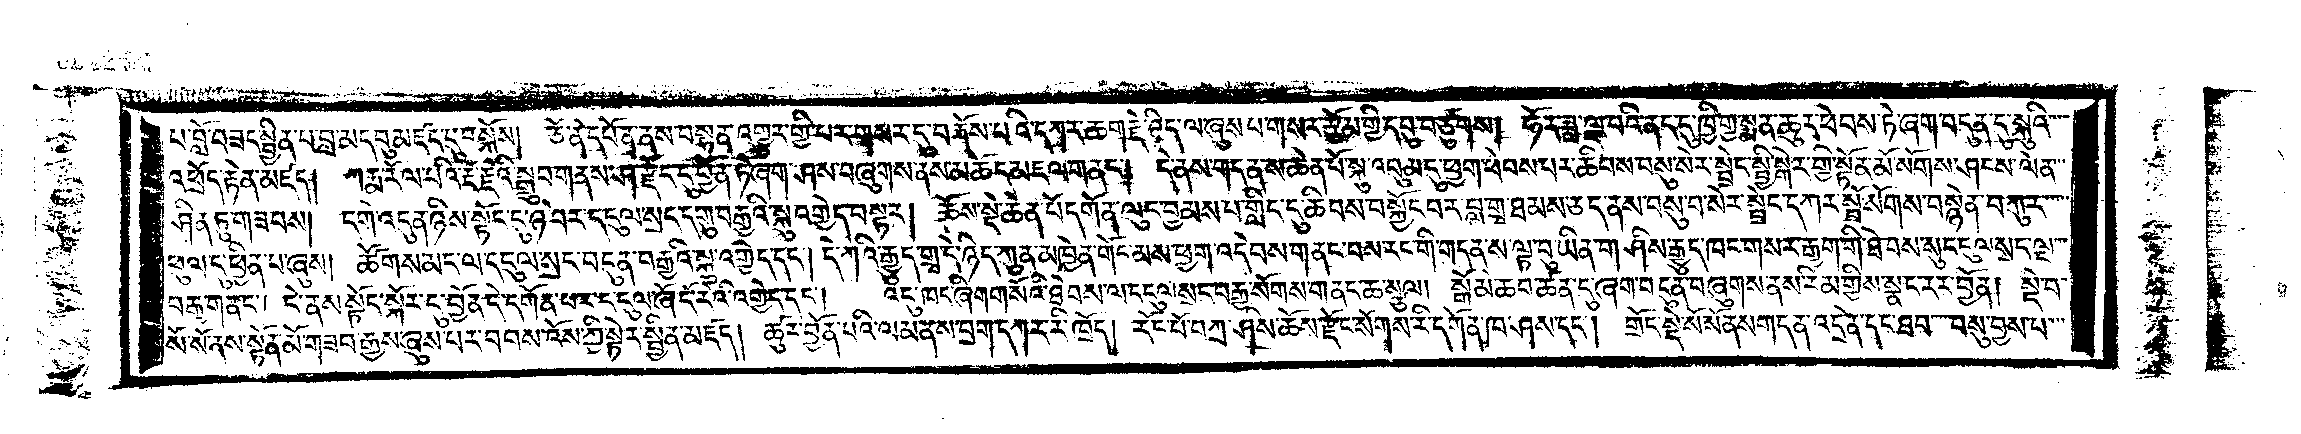པ་བློ་བཟང་སྦྱིན་པ་ཟླ་མ་དབུ་མཛད་དུ་བསྐོས། ཅོ་ནེ་དཔོན་ནས་བསྟན་འགྱུར་གྱི་པར་གསར་དུ་བརྐོས་པའི་དཀར་ཆག་རྗེ་ཉིད་ལ་ཞུས་པ་གསར་རྩོམ་གྱི་དབུ་བཙུགས། ཧོར་ཟླ་ལྔ་བའི་ནང་དུ་ཁྱི་གྱ་སྨན་ཆུར་ཕེབས་ཏེ་ཞག་བདུན་དུ་སྐུའི་
འཕྲོད་རྟེན་མཛད། ཀརྨ་རོལ་པའི་རྡོ་རྗེའི་སྒྲུབ་གནས་ཤ་རྫོང་དུ་བྱོན་ཏེ་ཞག་ཤས་བཞུགས་ནས་མཆོད་མཇལ་གནང་། དེ་ནས་གདན་ས་ཆེན་པོ་སྐུ་འབུམ་དུ་ཕྱག་ཕེབས་པར་ཆིབས་བསུ་སེར་སྤྲེང་སྤྱི་སྒེར་གྱི་སྟོན་མོ་སོགས་ཤངས་ལེན་
ཤིན་ཏུ་གཟབས། དགེ་འདུན་ཉིས་སྟོང་དུ་ཉེ་བར་དངུལ་སྲང་དགུ་བརྒྱའི་སྐུ་འགྱེད་བསྟར། ཆོས་སྡེ་ཆེན་པོ་དགོན་ལུང་བྱམས་པ་གླིང་དུ་ཆིབས་བསྐྱོད་པར་བླ་གྲྭ་ཐམས་ཅད་ནས་བསུ་བ་སེར་སྤྲེང་དཀར་སྤྲོ་སོགས་བསྙེན་བཀུར་
ཕུལ་དུ་ཕྱིན་པ་ཞུས། ཚོགས་མང་ལ་དངུལ་སྲང་བདུན་བརྒྱའི་སྐུ་འགྱེད་དང་། དེ་ཀའི་རྒྱུད་གྲྭ་དེ་ཉིད་ཀུན་མཁྱེན་གོང་མས་ཕྱག་འདེབས་གནང་བས་རང་གི་གདན་ས་ལྟ་བུ་ཡིན་གཤིས་རྒྱུད་ཁང་གསར་རྒྱག་གི་ཐེབས་སུ་དངུལ་སྲང་ལྔ་
བརྒྱ་གནང་། དེ་ནས་སྟོང་སྐོར་དུ་བྱོན་དེ་དགོན་པར་དངུལ་ཞོ་དོ་རེའི་འགྱེད་དང་། འདུ་ཁང་ཞིག་གསོའི་ཐེབས་ལ་དངུལ་སྲང་བརྒྱ་སོགས་གནང་ཆ་སྩལ། སྒོ་མེ་ཆབ་ཚན་དུ་ཞག་བདུན་བཞུགས་ནས་རིམ་གྱིས་སྣང་རར་བྱོན། སྡེ་བ་
སོ་སོ་ནས་སྟོན་མོ་གཟབ་རྒྱས་ཞུས་པར་བབས་འོས་ཀྱི་སྟེར་སྦྱིན་མཛད། ཚུར་བྱོན་པའི་ལམ་ནས་བྲག་དཀར་རི་ཁྲོད། རོང་པོ་བཀྲ་ཤིས་ཆོས་རྫོང་སོགས་རི་དགོན་ཁ་ཤས་དང་། གྲོང་སྡེ་སོ་སོ་ནས་གདན་འདྲེན་དང་ཐབ་བསུ་བྱས་པ་